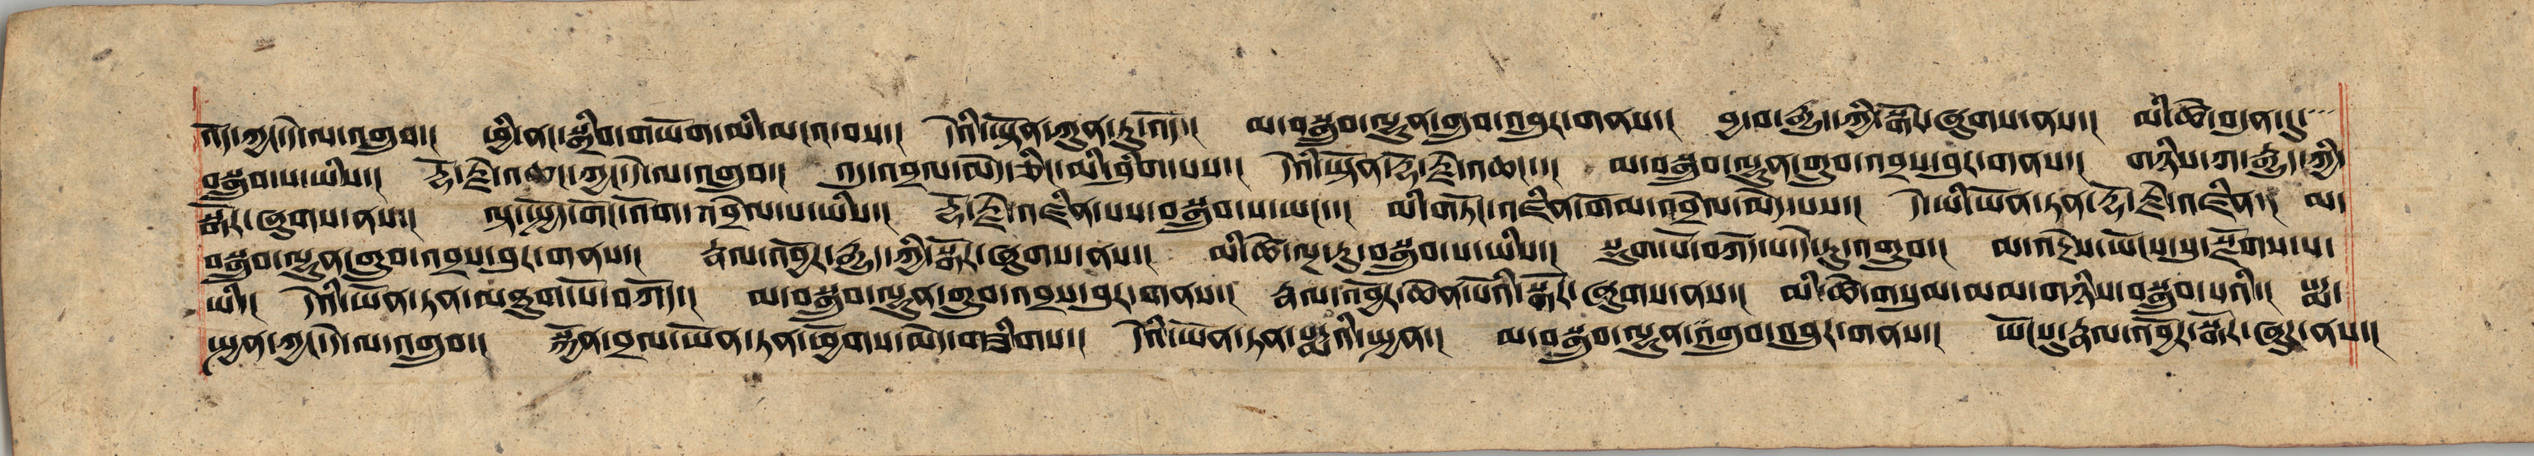འོད་ཀྱང་དེ་ལ་འགྲུབ་། ཕྱི་ནང་སྒྲིབ་གཡོག་མི་མངའ་བས་། དེའི་ཡྟོན་ཀུན་ཏུ་འོད་། མ་བསྒྲུབ་ལྷུན་གྲུབ་འབྲུར་གནས་། བྱ་བ་རྒྱུད་ཀྱི་སྒོར་ཞུགས་ནས་། མི་ཚེ་བདུན་དུ་
བསྒྲུབ་པ་ཡིས་། རྡོ་རྗེ་འཆང་ཀྱང་དེ་ལ་འགྲུབ་། འདུ་འབྲལ་མེད་ཅིང་མི་ཤིག་པས་། དེའི་ཡྟོན་རྡོ་རྗེ་འཆང་་། མ་བསྒྲུབ་ལྷུན་གྲུབ་འབྲས་བུར་གནས་། གཉིས་ཀ་རྒྱུད་ཀྱི་
སྒོར་ཞུགས་ནས་། ལྟ་སྤྱོད་གོང་འོག་འབྲེལ་པ་ཡིས་། རྡོ་རྗེ་འཛིན་པས་བསྒྲུབ་པ་ཡང་་། མི་གཏོང་འཛིན་གོལ་འབྲེལ་མེད་པས་། དེ་ཡི་ཡོན་ཏན་རྡོ་རྗེ་འཛིན་། མ་
བསྒྲུབ་ལྷུན་གྲུབ་འབྲས་བུར་གནས་། རྣལ་འབྱོར་རྒྱུད་ཀྱི་སྒོར་ཞུགས་ནས་། མི་ཚེ་ལྔ་རུ་བསྒྲུབ་པ་ཡིས་། སྡུག་པོ་བཀོད་པ་དེ་རུ་འགྲུབ་། མ་འདྲེས་ཡོངས་སུ་སྫོགས་པ་
ཡི་། དེའི་ཡོན་ཏན་མཐུག་པོ་བཀོད་། མ་བསྒྲུབ་ལྷུན་གྲུབ་འབྲས་བུར་གནས་། རྣལ་འབྱོར་ཆེན་པོའི་སྒོར་ཞུགས་ནས་། མི་ཚེ་གསུམ་མམ་གཉིས་བསྒྲུབ་པའི་། པདྨ་
སྤྱན་ཀྱང་དེ་ལ་འགྲུབ་། སྐྱོན་བྲལ་ཡོན་ཏན་ཕྱོགས་མེད་གཟིགས་། དེའི་ཡོན་ཏན་པདྨའི་སྤྱན་། མ་བསྒྲུབ་ལྷུན་འགྲུབ་འབྲུར་གནས་། ཡོངསུ་རྣལ་འབྱོར་སྒོར་ཞུཌ་ནས་།